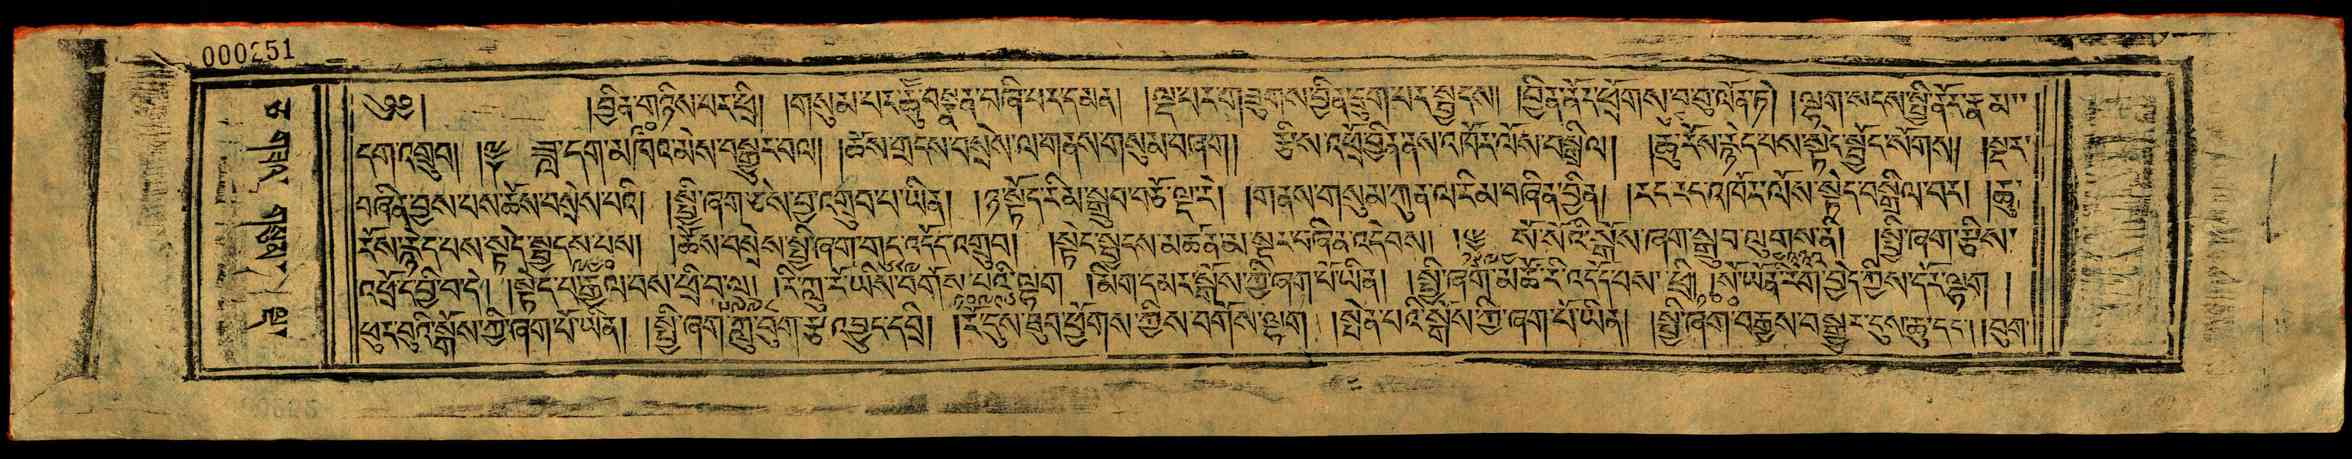༄༅། །བྱིན་གཉིས་པར་ཕྲི། །གསུམ་པར་ཆུ་བསྣན་བཞི་པར་དམན། །ལྔ་པར་གཟུགས་བྱིན་དྲུག་པར་སྦྱངས། །བྱིན་ནོར་གྲོགས་པ་བུ་ལོན་ཏེ། །ལྷག་སངས་སྤྱིན་ནོར་རྣམ་
དག་འགྲུབ། །འ་སླ་ངག་མཁའ་མེས་བསྒྱུར་བ་ལ། །ཚེས་གྲངས་བསྲས་ལ་གནས་གསུམ་བཞག། རྩིས་འཕྲོ་བྱིན་ནས་འཁོར་ལོས་བསྒྲིལ། །ཆུ་རོས་རྙེད་པས་སྟེང་སྦྱོང་སོགས། །སྔར་
བཞིན་བྱས་པས་ཚེས་བསྲེས་པའི། །སྤྱི་ཞག་ཅེས་བྱ་འགྲུབ་པ་ཡིན། །ཉ་སྟོང་རིམ་སྒྲུབ་བཅོ་ལྔ་རེ། །གནས་གསུམ་ཀུན་ལ་རིམ་བཞིན་བྱིན། །རང་རང་འཁོར་ལོས་སྟེང་བསྒྲིལ་པར། །ཆུ་
རོས་རྙེད་པས་སྟེང་སྦྱངས་པས། །ཚེས་བསྲེས་སྤྱི་ཞག་གང་འདོད་འགྲུབ། །སྟེང་སྦྱངས་མཚན་མ་སྔར་བཞིན་འདེབས། །འ་སོ་སོའི་སྒོས་ཞག་སྒྲུབ་ལུགས་ནི། །སྤྱི་ཞག་རྩིས་
འཕྲོ་དབྱི་བ་དེ། །སྟེང་པ་རྒྱལ་བས་ཕྲི་བ་ལ། །རི་ཀླུ་རོ་ཡིས་བགོས་པའི་ལྷག །མིག་དམར་སྒོས་ཀྱི་ཞག་པོ་ཡིན། །སྤྱི་ཞག་མཚོ་རི་འདོད་པས་ཕྲི། །སོ་ཡོན་རག་བྱེད་ཀྱིས་དོར་ལྷག།
ཕུར་བུའི་སྒོས་ཀྱི་ཞག་པོ་ཡིན། །སྤྱི་ཞག་ཀླུ་བུག་རྩ་འབྱུང་དབྲི། །རོ་དུས་ཐུབ་ཕྱོགས་ཀྱིས་བགོས་ལྷག །སྤེན་པའི་སྒོས་ཀྱི་ཞག་པོ་ཡིན། །སྤྱི་ཞག་བརྒྱས་བསྒྱུར་དུས་ཆུ་དང་། །བུག་